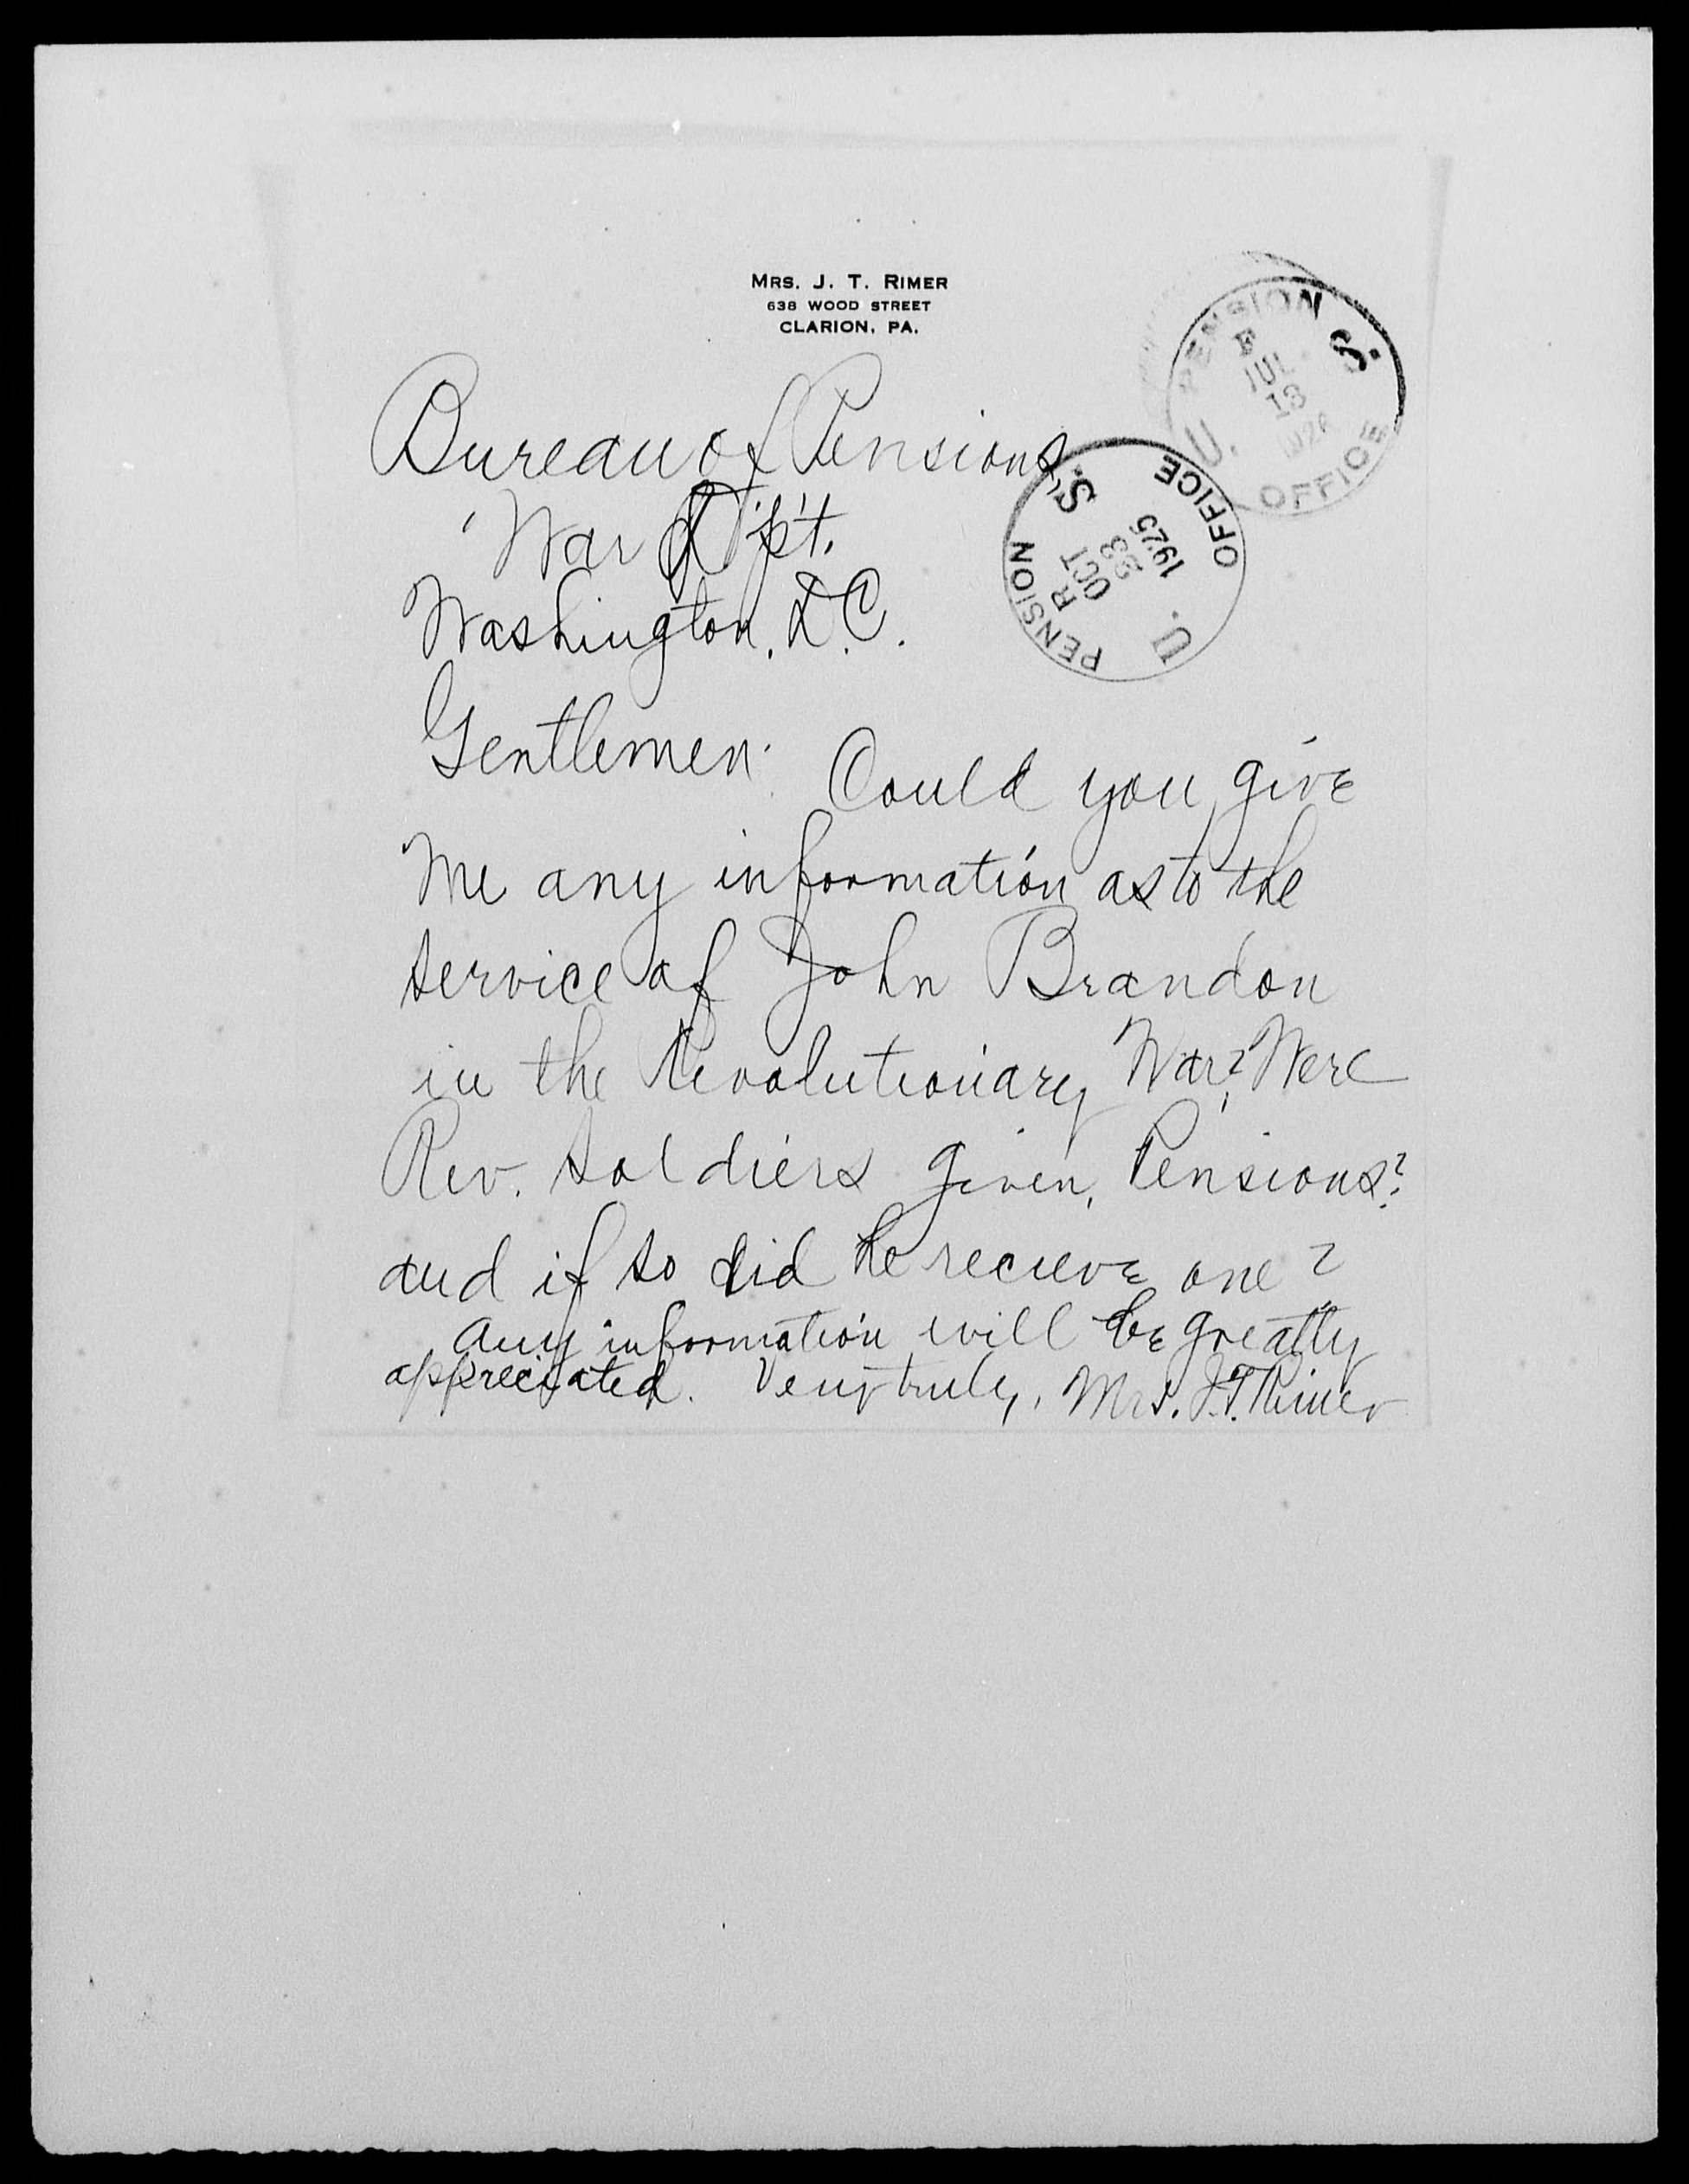MRS. J. T. RIMER
638 WOOD STREET
CLARION, PA.

[stamp top right]
U. S. PENSION OFFICE
F
JUL. 18 1926

[stamp under first one]
U. S. PENSION OFFICE
R
OCT 23 1926

Bureau of Pensions
War D'p't.
Washington, D.C.
Gentlemen: Could you give me any information as to the service of John Brandon in the Revolutionary War? Were Rev. soldiers given Pensions? and if so did he receive one? Any information will be greatly appreciated. Very  truly, Mrs. J.T. Rimer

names: J T Rimer, J T Rimer, John Brandon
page: 76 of 83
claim: widow's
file: W. 5946, John Brandon, Penn